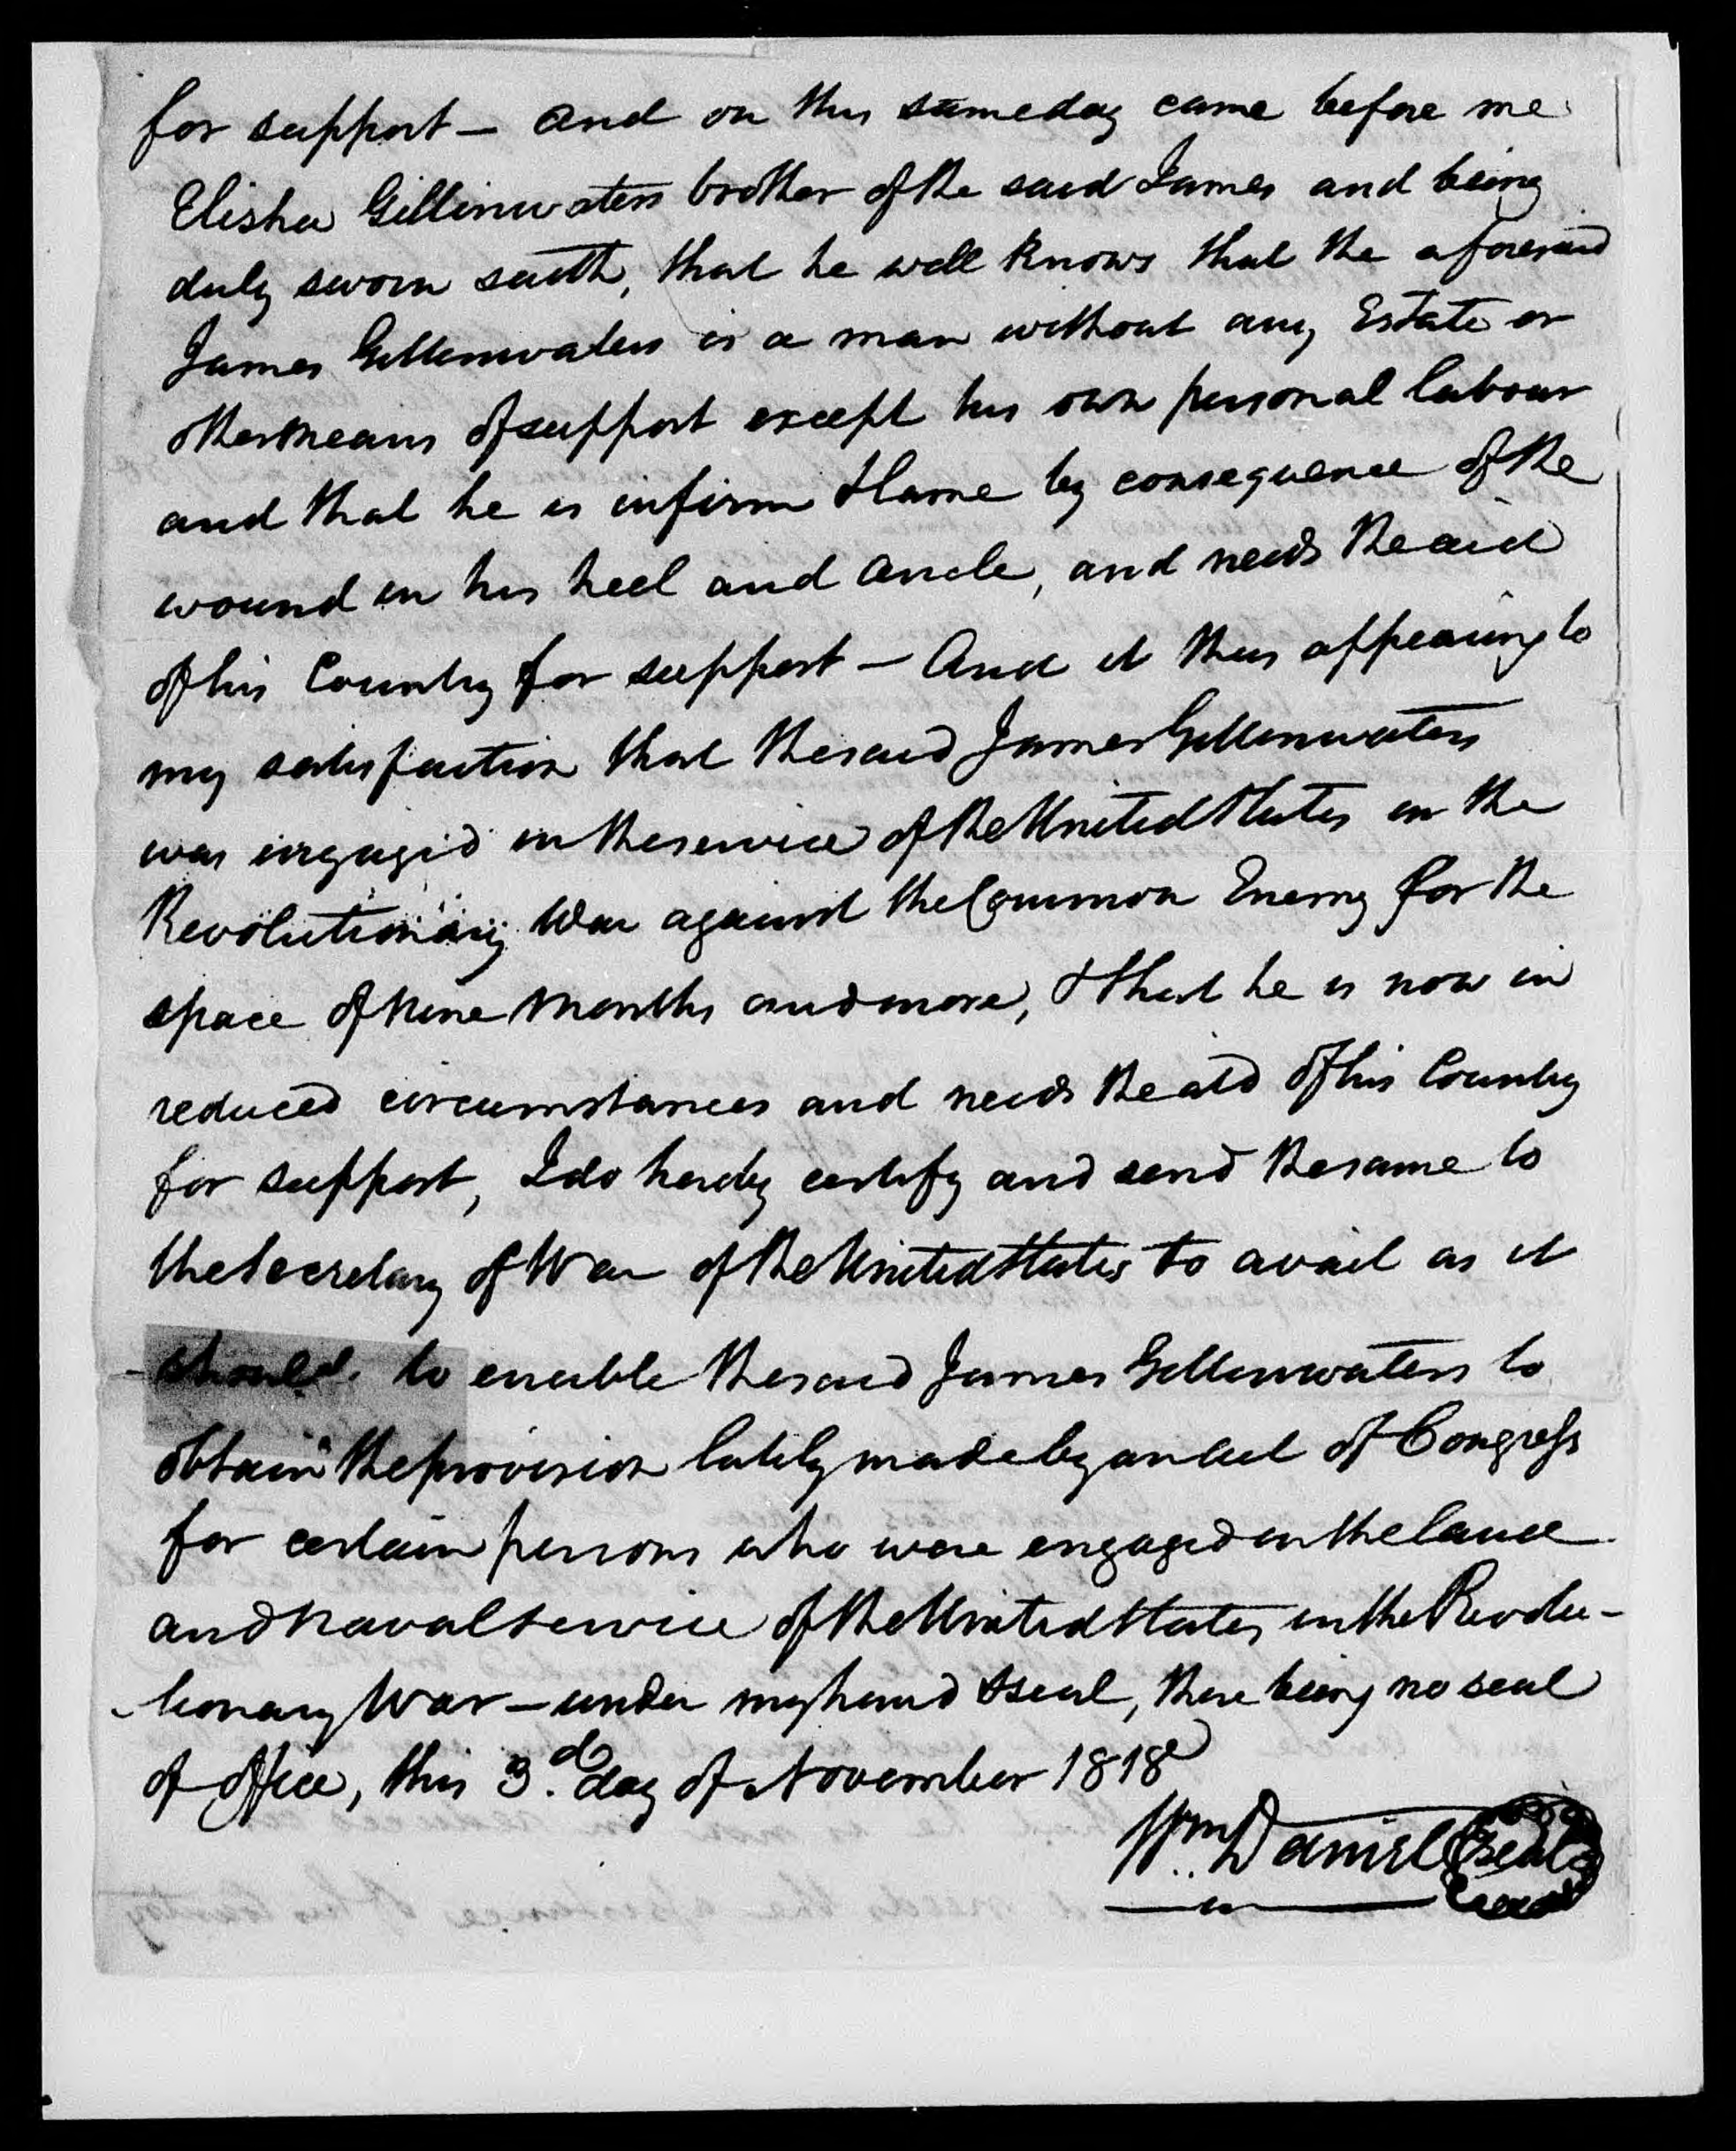for support __ and on this same day came before me Elisha Gillenwaters brother of the said James and being duly sworn saith, that he well known that the aforesaid James Gillenwaters is a man without any estate or other means of support except his own personal labour and that he is infirm & lame by consequence of the wound in his heel and ancle, and need the aid of his Country for support __ and it thus appearing to my satisfaction that the said James Gillenwaters was engaged in the service of the United State in the Revolutionary War against the common enemy for the space of nine months, and more, & that he is now in reduced circumstances and need the aid of his County for support, I do hereby certify and send the name to the Secretary of War of the United States to avail as it should to enable the said James Gillenwaters to obtain the provision lately made by an act of Congress for certain persons who were engaged in the land and naval service of the United States, in the Revolutionary War __ under my hand & seal, there being no seal of office, this 3d day of November 1818
     Wm Daniel seal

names: James, Elisha Gillingwater, James Gillingwater, James Gillingwater, James Gillingwater, Wm Daniel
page: 9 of 36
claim: survivor's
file: S. 39570, James Gillingwater, Va.